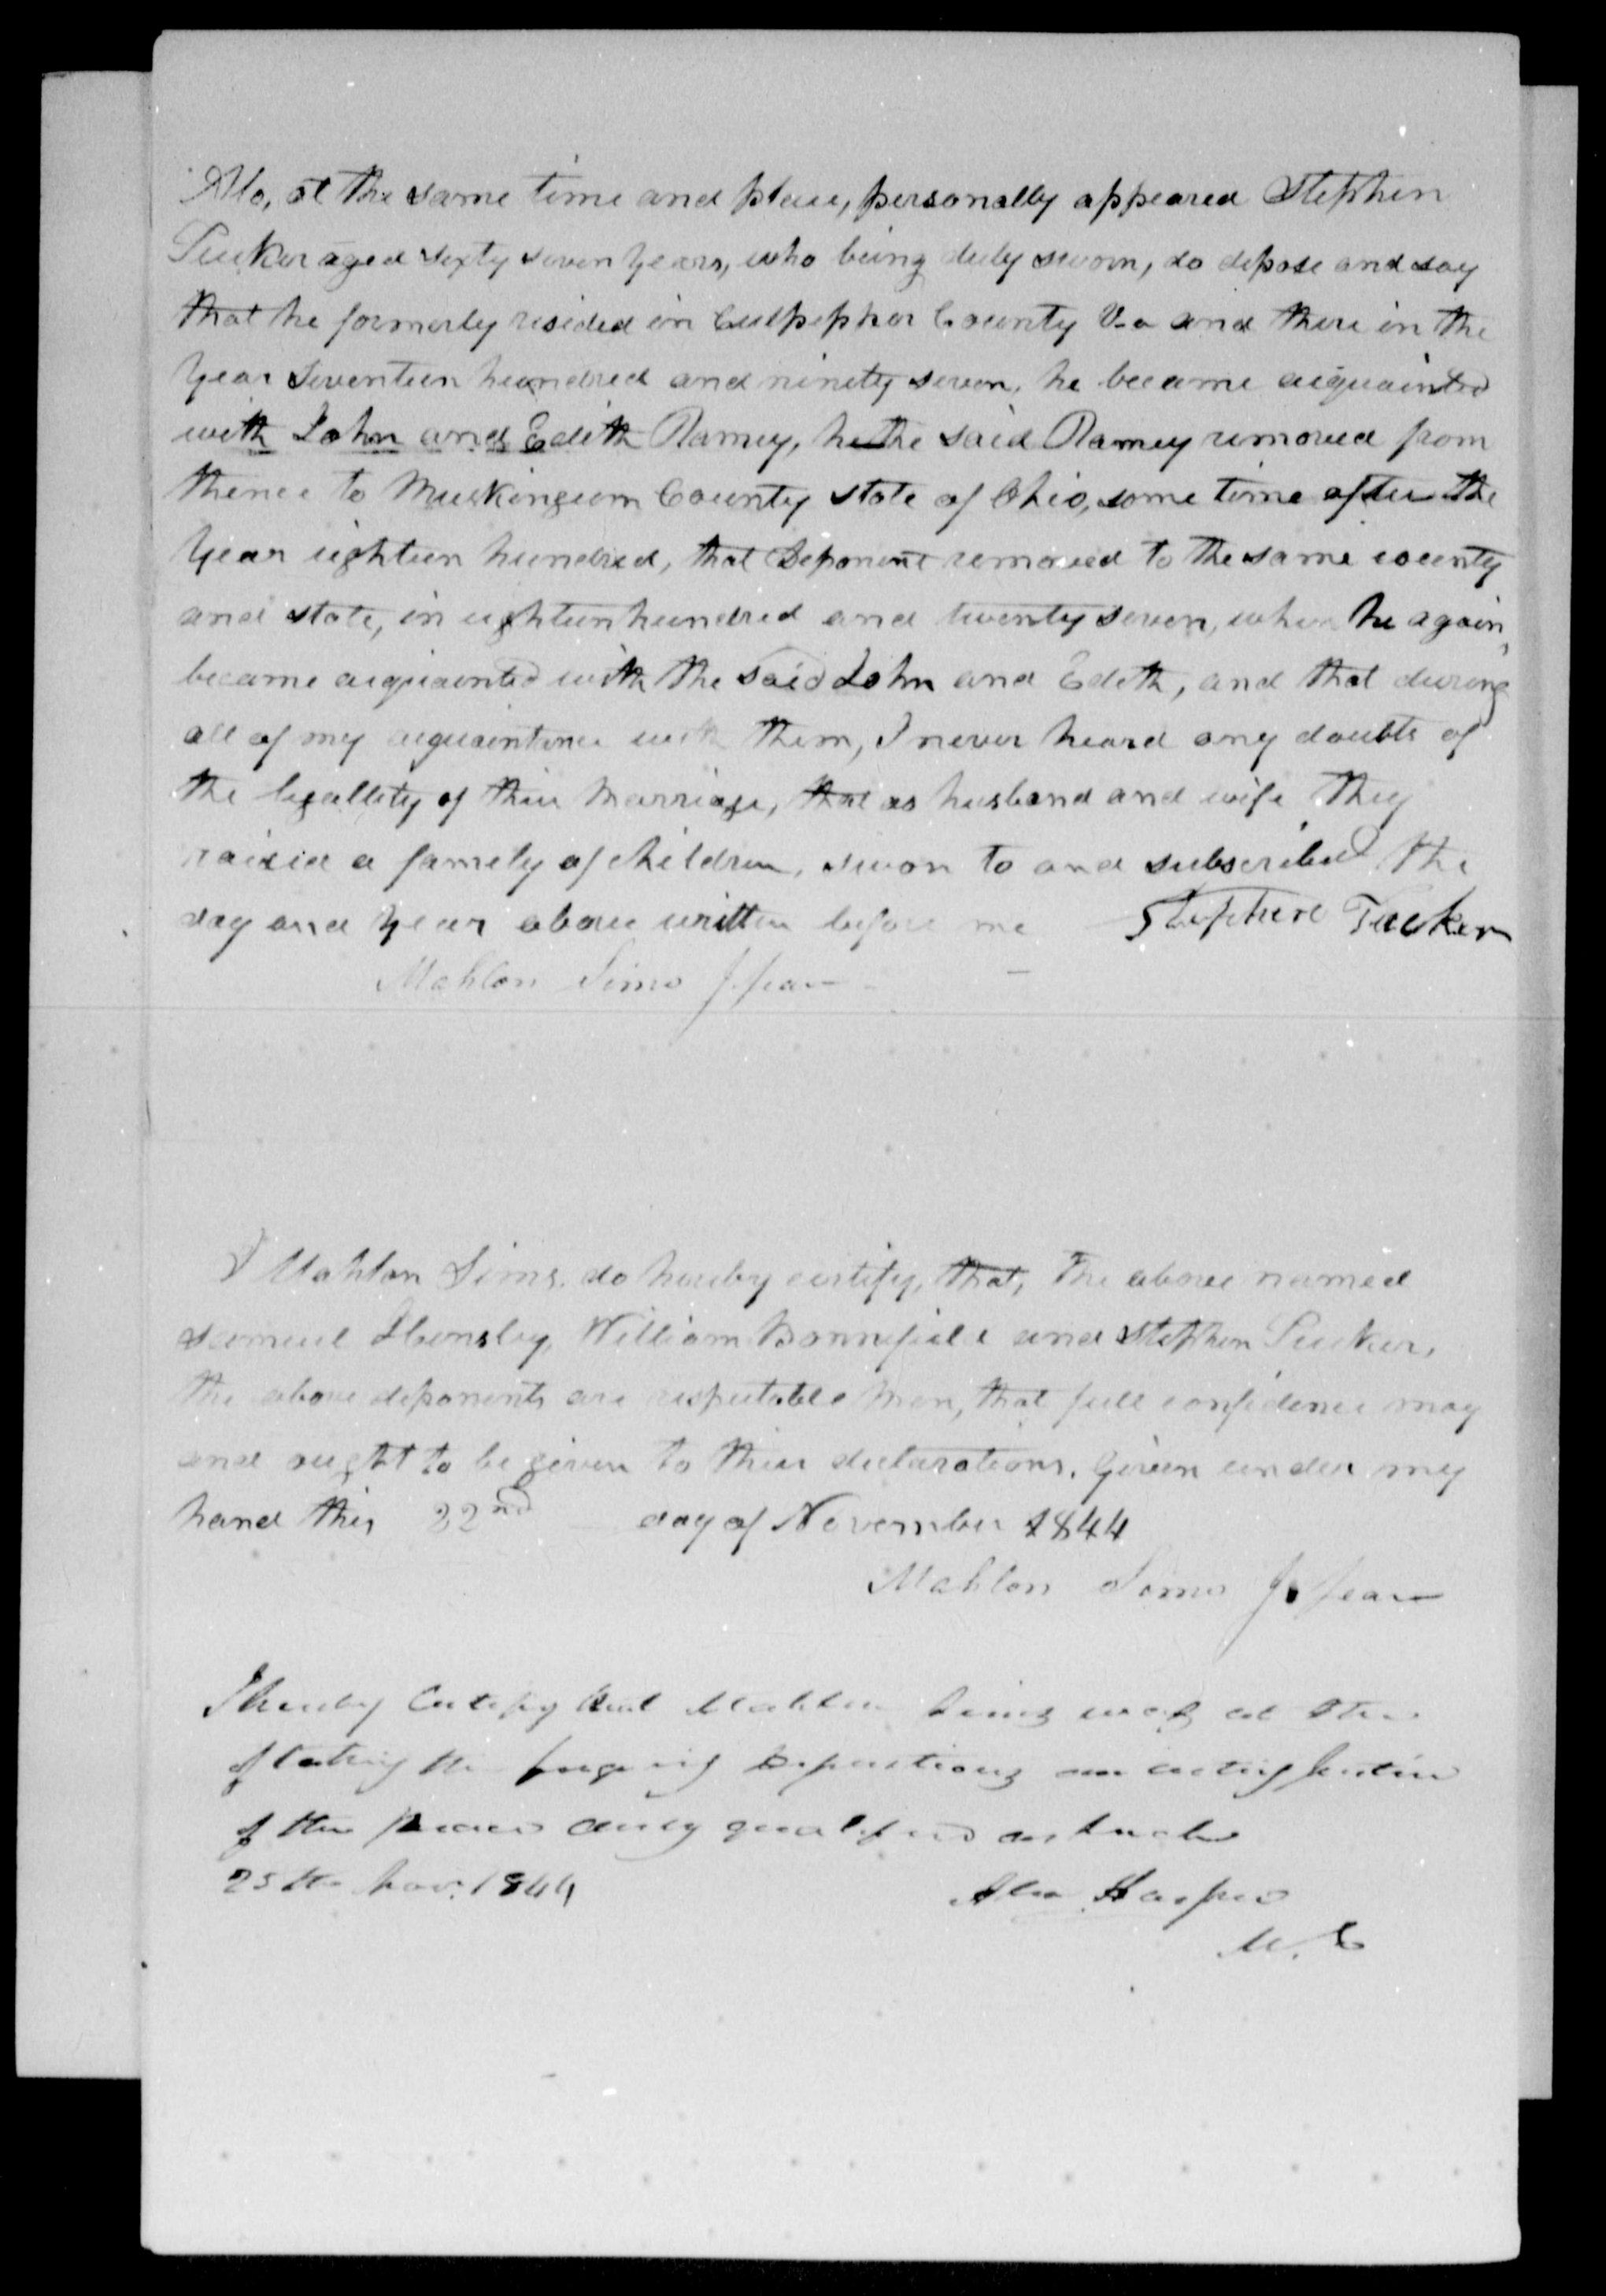Also, at the same time and place, personally appeared Stephen Tucker aged sixty seven years who being duly sworn, do depose and say that he formerly resided in Culpepper County Va. and there in the year Seventeen hundred and ninety seven he became acquainted with John and Edith Ramey, that the said Ramey removed from thence to Muskingum County State of Ohio, some time after the year eighteen hundred, that Deponent removed to the same county and state, in eighteen hundred and twenty seven, when he again, became acquainted with the said John and Edith, and that during all of my acquaintance with them, I never heard any doubt of the legality of their Marriage, that as husband and wife they raised a family of children sworn to and subscribed the day and year above written before me Stephen Tucker
Mahlon Sims J. Peace

I Mahlon Sims, do hereby certify, that, the above named Samuel Hemsley, William Bonnifield and Stephen Tucker the above deponents are reputable men, that full confidence may and ought to be given to their declarations, Given under my hand this 22nd day of November 1844
Mahlon Sims J. Peace

I hereby Certify that Mahlon Sims was at the of taking the foregoing Depositions an acting Justice of the Peace duly qualified as such
25th Novr. 1844 Alex. Harper 
M. C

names: Samuel Hensley; Stephen Tucker; William Bonnifield; Edith Ramey; Mahlon Sims; [BLANK] Ramey; Stephen Tucker; Mahlon Sims; John [BLANK]; Edith [BLANK]; John Ramey; Mahlon Sims; Alex Harper; Stephen Tucker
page: 72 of 84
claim: widow's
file: W.11104, for John Remay, Virginia